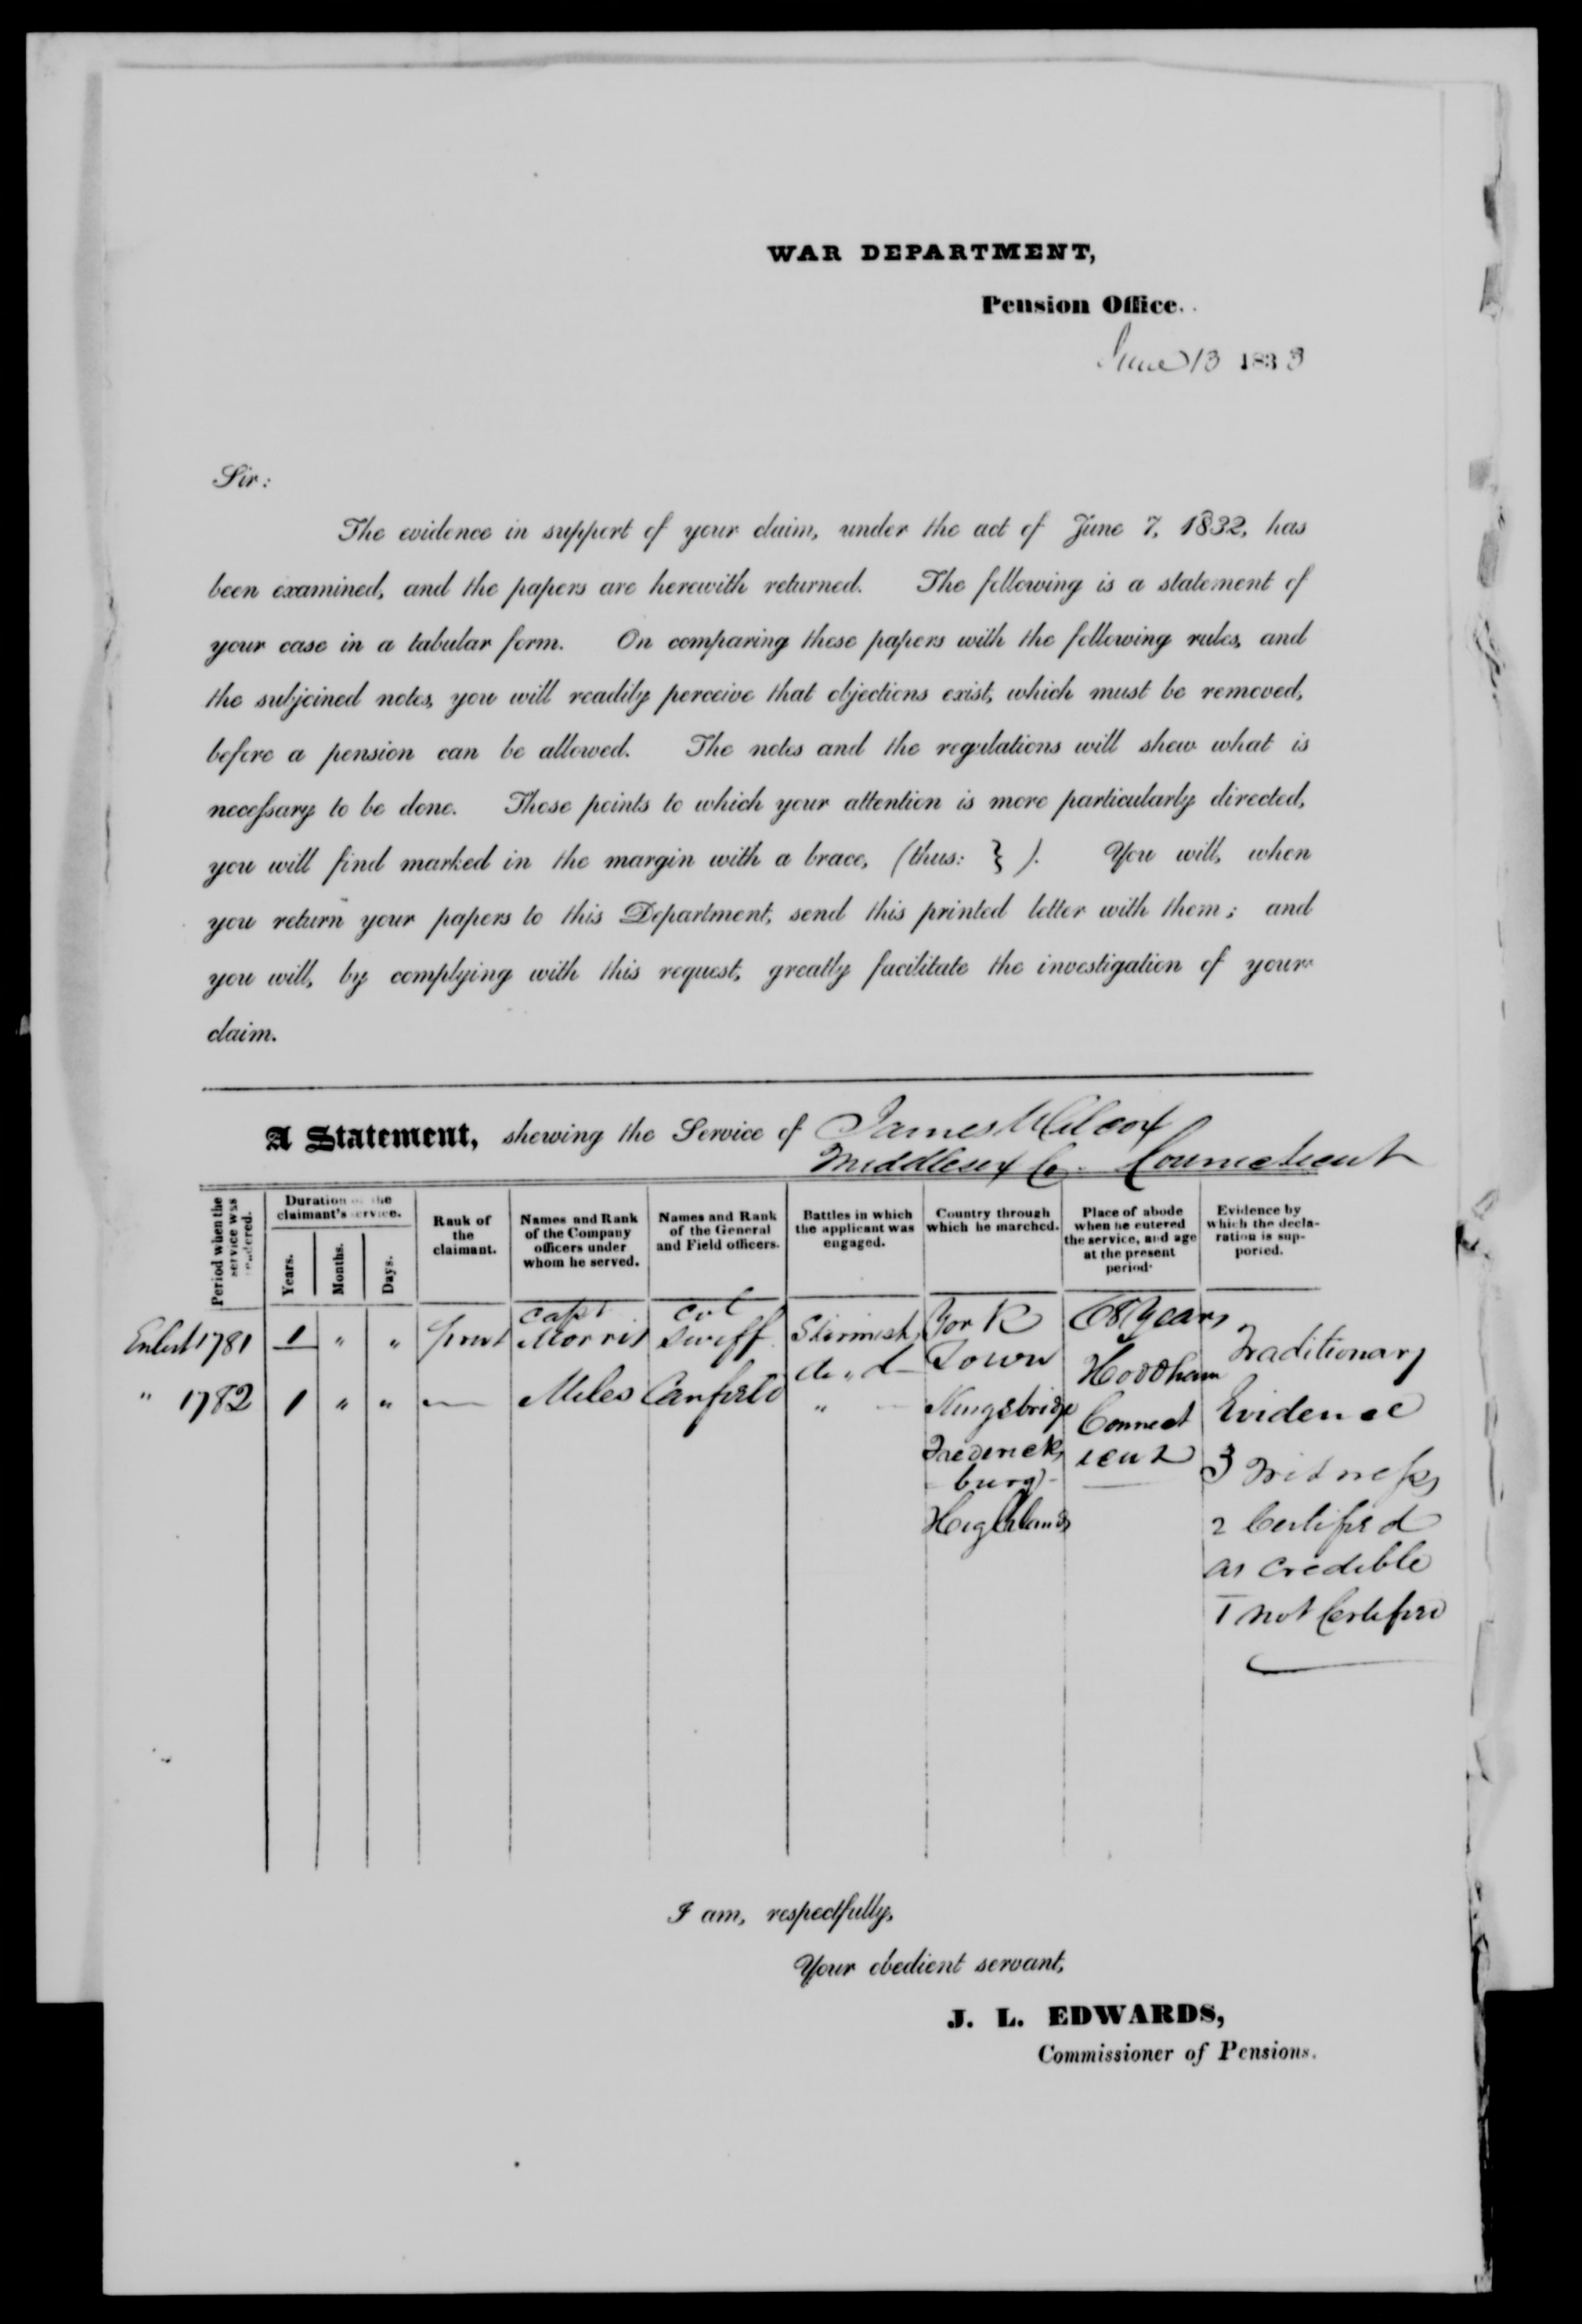War Department Pension Office
June 13 1839

Sir: 

The evidence in support of your claim, under the act of June 7, 1832, has been examined, and the papers are herewith returned. The following is a statement of your case in a tabular form. On comparing these papers with the following rules, and the subjoined notes, you will readily perceive that objections exist, which must be removed, before a pension can be allowed. The notes and the regulations will show what is necessary to be done. These points to which your attention is more particularly directed, you will find marked in the margin with a brace, (thus: }). You will, when you return your papers to this Department, send this printed letter with them, and you will, by complying with this request, greatly facilitate the investigation of your claim.

A Statement, showing the Service of James Wilcox Middlesex Co. Con.

Period when the service was rendered: Enlist 1781

Duration of the claimant's service: 1 year; Months: "; Days: ";

Rank of the claimant: Private;

Names and Rank of the company officers under whom he served: Capt Morris;

Names and Rank of the General and Field Officers: Col. Swift;

Battles in which the applicant was engaged: Skirmish [?];

Country through which he marched: York Town;

Place of abode when he entered the service, and age at present period: 68 years; Haddam, Connecticut; 

Evidence by which the declaration is supported:  Traditionary Evidence.

Period when the service was rendered: 1782

Duration of the claimant's service: 1 Year, " Months, " Days;

Rank of the claimant: [Private?];

Names and Rank of Company officers under whom he served:  Miles;

Names and Rank of the General and Field officers:  Col. Canfield;

Battles in which the applicant was engaged:  Skirmish [?];

County through which he marched: Kingsbridge, Fredericksburg, Highlands;

Place of abode when he entered the service, and age at the present period:  68 year, Haddam, Connecticut;

Evidence by which the declaration is supported:  3 witnesses, 2 certified as credible, 1 not certified.

I am, respectfully, Your obedient servant, J.L. Edwards, Commissioner of Pensions.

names: James Wilcox, Morris, J L Edwards, Miles, Canfield, Swift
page: 7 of 46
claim: widow's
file: W. 18,417, James Willcox, Conn.